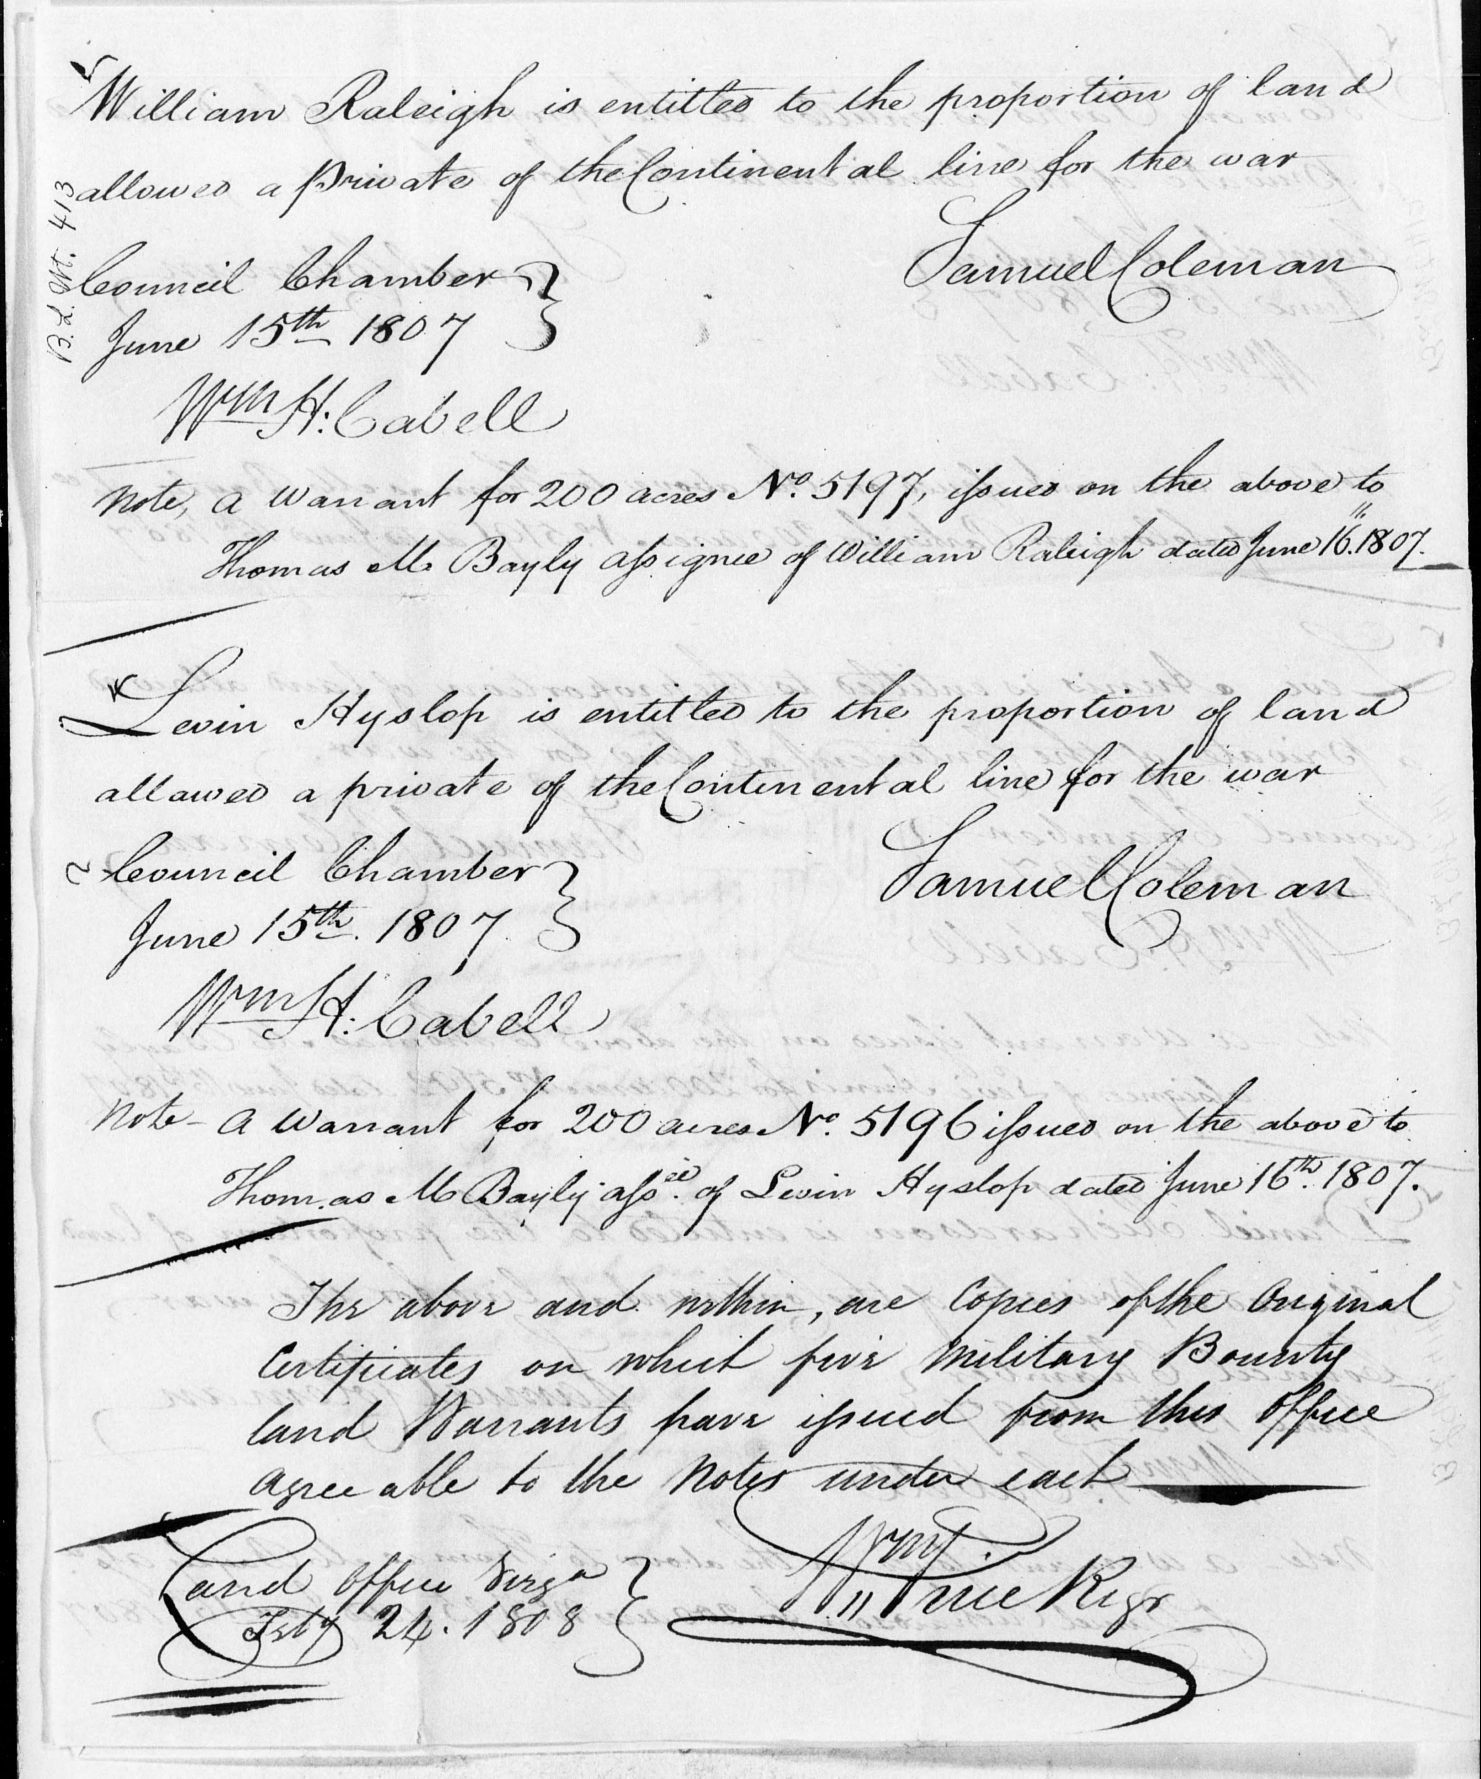BL Wt. 413
William Raleigh is entitled to the proportion of land allowed a private of the Continental line for the war.
Samuel Coleman
Council Chamber
June 15th 1807
Wm. J. Cabell

Note a warrant for 200 acres No. 5197, issued on the above to Thomas M Bayly assignee of William Raleigh dated June 16th 1807


Levin Hyslop is entitled to the proportion of land allowed a private of the Continental line for the war.
Samuel Coleman
Council Chamber
June 15th 1807
Wm. J. Cabell

Note a warrant for 200 acres No. 5196 on the above to Thomas M. Bayly ass'ee.  of Levin Hyslop dated June 16th 1807

The above and within are copies of the original certificates on which [illegible] military Bounty land Warrants have issued from this office agreeable to the notes under each.
Wm Price Regr.
Land Office Virga.
Feby 24 1808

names: William Raleigh, Samuel Coleman, Thomas M Bayly, Thomas M Bayly, William Raleigh, Levin Hyslop, Wm H Cabell, Wm H Cabell, Levin Hyslop, Samuel Coleman, Wm Price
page: 26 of 27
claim: widow's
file: W 5624, Levi Annis, Va. Va. Sea Service